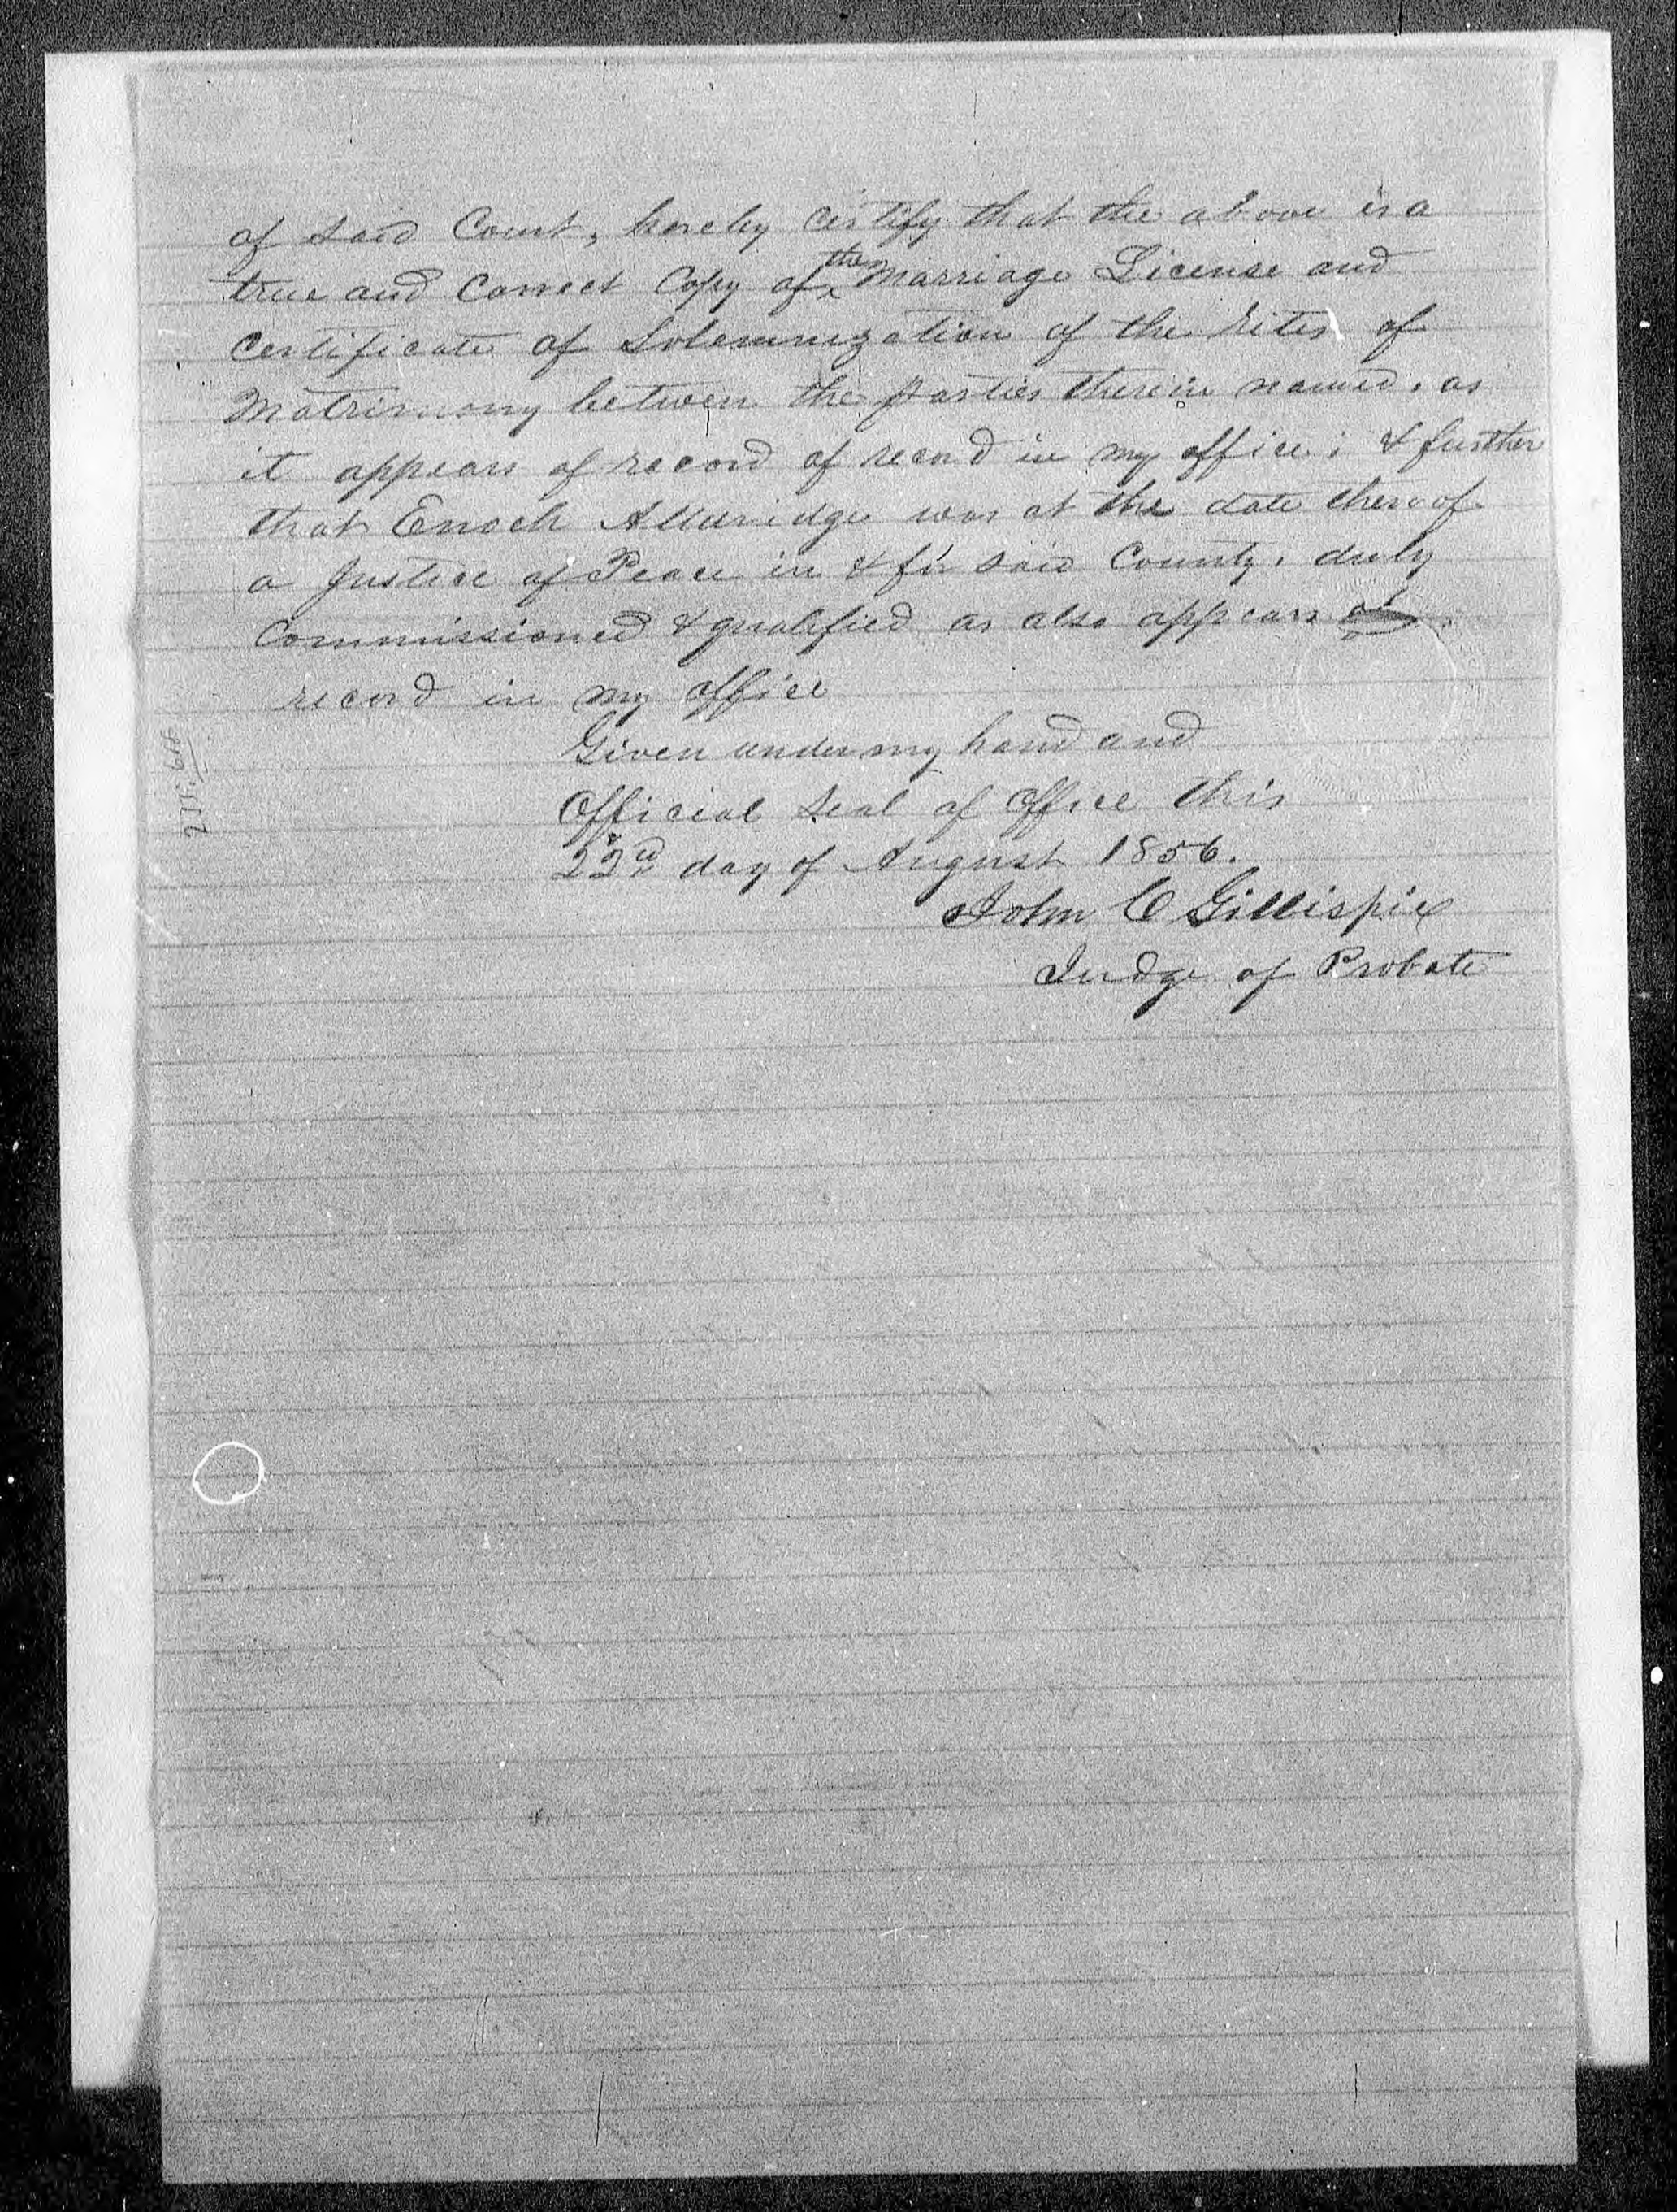of said Court, hereby certify that the above is a
true and correct copy of their Marriage License and
certificate of Solemnization of the rites of
Matrimony between the parties therein named, as 
it appears of record of record in my office; I further
that Enoch Alldridge was at the date thereof
a Justice of Peace in aforesaid County, duly
commissioned & qualified as also appears of
record in my office
Given under my hand and
Official Seal of Office this
22nd day of August 1856.
John C. Gillispie
Judge of Probate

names: Enoch Alldridge; John C Gillispie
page: 22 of 45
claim: widow's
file: W. 26160, for Thomas C Jones, Georgia